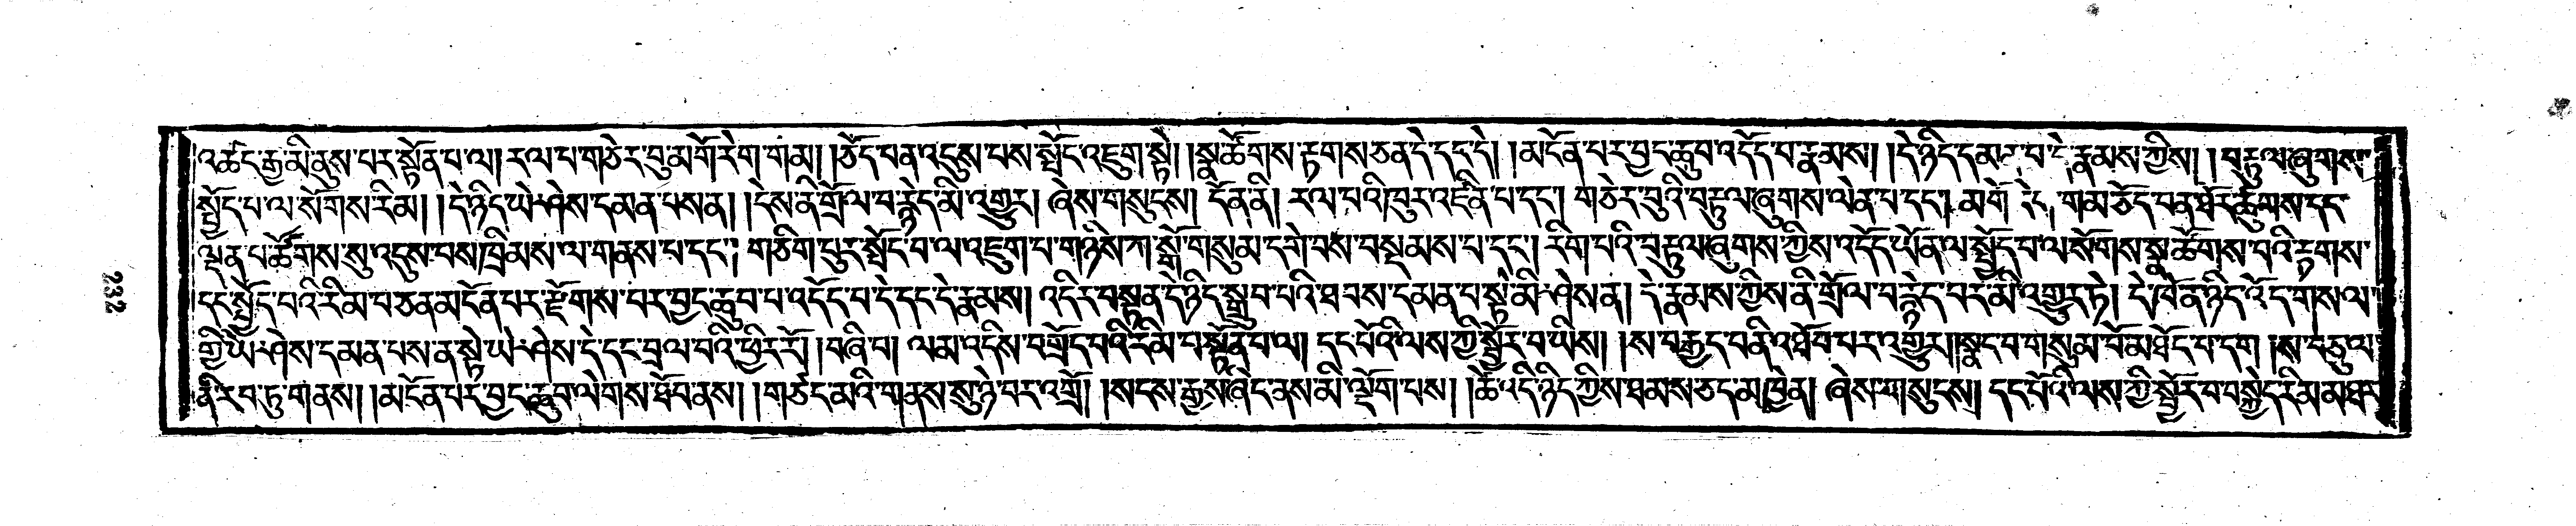འཚང་རྒྱ་མི་ནུས་པར་སྟོན་པ་ལ། རལ་པ་གཅེར་བུ་མགོ་རེག་གམ། །ཅོད་པན་འདུས་པས་སྤོང་འཇུག་སྟེ། །སྣ་ཚོགས་རྟགས་ཅན་དེ་དང་དེ། །མངོན་པར་བྱང་ཆུབ་འདོད་པ་རྣམས། །དེ་ཉིད་དམན་པ་དེ་རྣམས་ཀྱིས། །བརྟུལ་ཞུགས་
སྤྱོད་པ་ལ་སོགས་རིམ། །དེ་ཉིད་ཡེ་ཤེས་དམན་པས་ན། །དེས་ནི་གྲོལ་བ་རྙེད་མི་འགྱུར། ཞེས་གསུངས། དོན་ནི། རལ་པའི་ཁུར་འཛིན་པ་དང་། གཅེར་བུའི་བརྟུལ་ཞུགས་ལེན་པ་དང་། མགོ་རེག་གམ་ཅོད་པན་ཐོར་ཚུགས་དང་
ལྡན་པ་ཚོགས་སུ་འདུས་པས་ཁྲིམས་ལ་གནས་པ་དང་། གཅིག་པུར་སྤོང་བ་ལ་འཇུག་པ་གཉིས་ཀ་སྒོ་གསུམ་དགེ་བས་བསྡམས་པ་དང་། རིག་པའི་བརྟུལ་ཞུགས་ཀྱིས་འདོད་ཡོན་ལ་སྤྱོད་པ་ལ་སོགས་སྣ་ཚོགས་པའི་རྟགས་
དང་སྤྱོད་པའི་རིམ་པ་ཅན་མངོན་པར་རྫོགས་པར་བྱང་ཆུབ་པ་འདོད་པ་དེ་དང་དེ་རྣམས། འདིར་བསྟན་དེ་ཉིད་སྒྲུབ་པའི་ཐབས་དམན་པ་སྟེ་མི་ཤེས་ན། དེ་རྣམས་ཀྱིས་ནི་གྲོལ་བ་རྙེད་པར་མི་འགྱུར་ཏེ། དེ་ཁོ་ན་ཉིད་འོད་གསལ་
གྱི་ཡེ་ཤེས་དམན་པས་ན་སྟེ་ཡེ་ཤེས་དེ་དང་བྲལ་བའི་ཕྱིར་རོ། །བཞི་པ། ལམ་འདིས་བགྲོད་པའི་རིམ་པ་སྟོན་པ་ལ། དང་པོའི་ལས་ཀྱི་སྦྱོར་བ་ཡིས། །ས་བརྒྱད་པ་ནི་འཐོབ་པར་འགྱུར། །སྣང་བ་གསུམ་པོ་མཐོང་བ་དག །ས་བཅུ་ལ་
ནི་རབ་ཏུ་གནས། །མངོན་པར་བྱང་ཆུབ་ལེགས་ཐོབ་ནས། །གཙང་མའི་གནས་སུ་ཉེ་བར་འགྲོ། །སངས་རྒྱས་ཞིང་ནས་མི་ལྡོག་པས། །ཚེ་འདི་ཉིད་ཀྱིས་ཐམས་ཅད་མཁྱེན། ཞེས་གསུངས། དང་པོའི་ལས་ཀྱི་སྦྱོར་བ་བསྐྱེད་རིམ་མཐར་